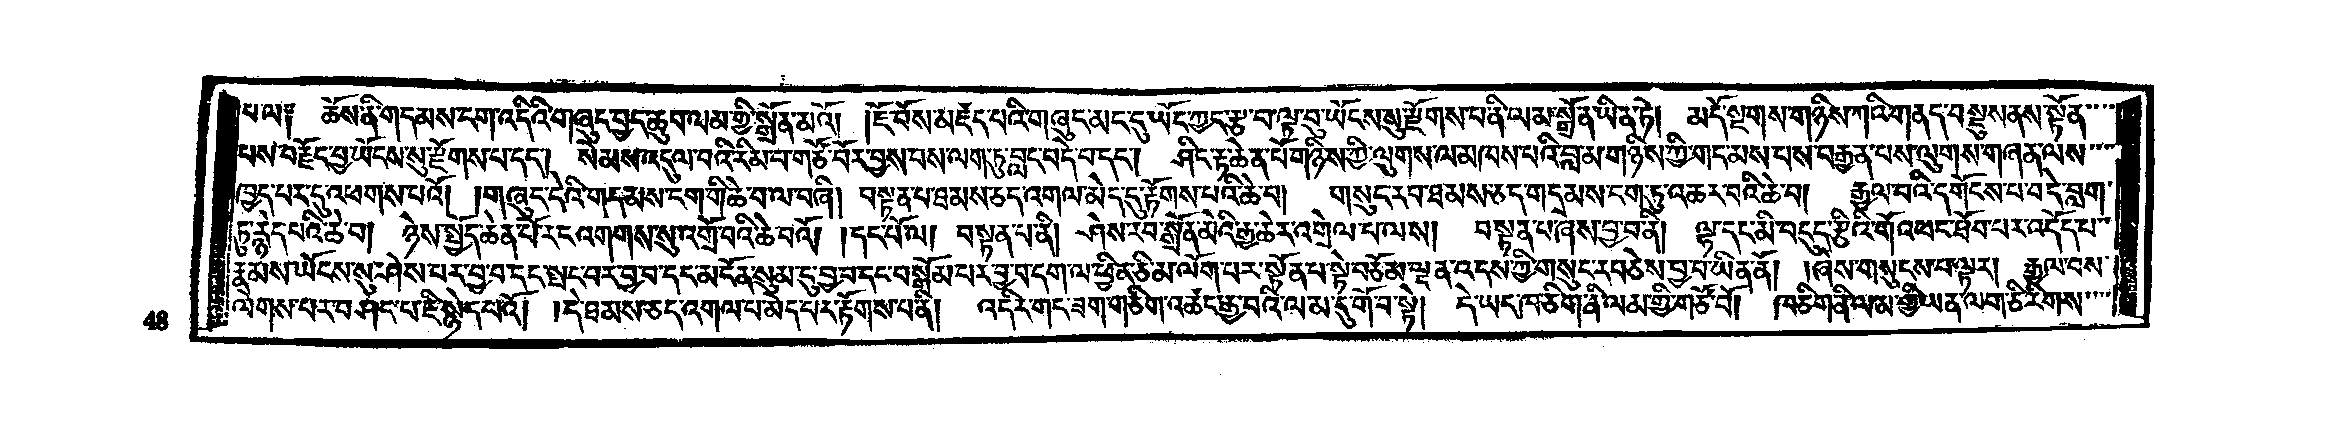པ་ལ༑ ཆོས་ནི་གདམས་ངག་འདིའི་གཞུང་བྱང་ཆུབ་ལམ་གྱི་སྒྲོན་མའོ། །ཇོ་བོས་མཛད་པའི་གཞུང་མང་དུ་ཡོད་ཀྱང་རྩ་བ་ལྟ་བུ་ཡོངས་སུ་རྫོགས་པ་ནི་ལམ་སྒྲོན་ཡིན་ཏེ། མདོ་སྔགས་གཉིས་ཀའི་གནད་བསྡུས་ནས་སྟོན་
པས་བརྗོད་བྱ་ཡོངས་སུ་རྫོགས་པ་དང་། སེམས་འདུལ་བའི་རིམ་པ་གཙོ་བོར་བྱས་པས་ལག་ཏུ་བླང་བདེ་བ་དང་། ཤིང་རྟ་ཆེན་པོ་གཉིས་ཀྱི་ལུགས་ལ་མཁས་པའི་བླ་མ་གཉིས་ཀྱི་གདམས་པས་བརྒྱན་པས་ལུགས་གཞན་ལས་
ཁྱད་པར་དུ་འཕགས་པའོ། །གཞུང་དེའི་གདམས་ངག་གི་ཆེ་བ་ལ་བཞི། བསྟན་པ་ཐམས་ཅད་འགལ་མེད་དུ་རྟོགས་པའི་ཆེ་བ། གསུང་རབ་ཐམས་ཅད་གདམས་ངག་ཏུ་འཆར་བའི་ཆེ་བ། རྒྱལ་བའི་དགོངས་པ་བདེ་བླག་
ཏུ་རྙེད་པའི་ཆེ་བ། ཉེས་སྤྱོད་ཆེན་པོ་རང་འགགས་སུ་འགྲོ་བའི་ཆེ་བའོ། །དང་པོ་ལ། བསྟན་པ་ནི། ཤེས་རབ་སྒྲོན་མེའི་རྒྱ་ཆེར་འགྲེལ་པ་ལས། བསྟན་པ་ཞེས་བྱ་བ་ནི། ལྷ་དང་མི་བདུད་རྩིའི་གོ་འཕང་ཐོབ་པར་འདོད་པ་
རྣམས་ཡོངས་སུ་ཤེས་པར་བྱ་བ་དང་སྤང་བར་བྱ་བ་དང་མངོན་སུམ་དུ་བྱ་བ་དང་བསྒོམ་པར་བྱ་བ་དག་ལ་ཕྱིན་ཅི་མ་ལོག་པར་སྟོན་པ་སྟེ་བཅོམ་ལྡན་འདས་ཀྱི་གསུང་རབ་ཅེས་བྱ་བ་ཡིན་ནོ། །ཞེས་གསུངས་པ་ལྟར། རྒྱལ་བས་
ལེགས་པར་བཤད་པ་ཇི་སྙེད་པའོ། །དེ་ཐམས་ཅད་འགལ་བ་མེད་པར་རྟོགས་པ་ནི། འདིར་གང་ཟག་གཅིག་འཚང་རྒྱ་བའི་ལམ་དུ་གོ་བ་སྟེ། དེ་ཡང་ཁ་ཅིག་ནི་ལམ་གྱི་གཙོ་བོ། ཁ་ཅིག་ནི་ལམ་གྱི་ཡན་ལག་ཅི་རིགས་